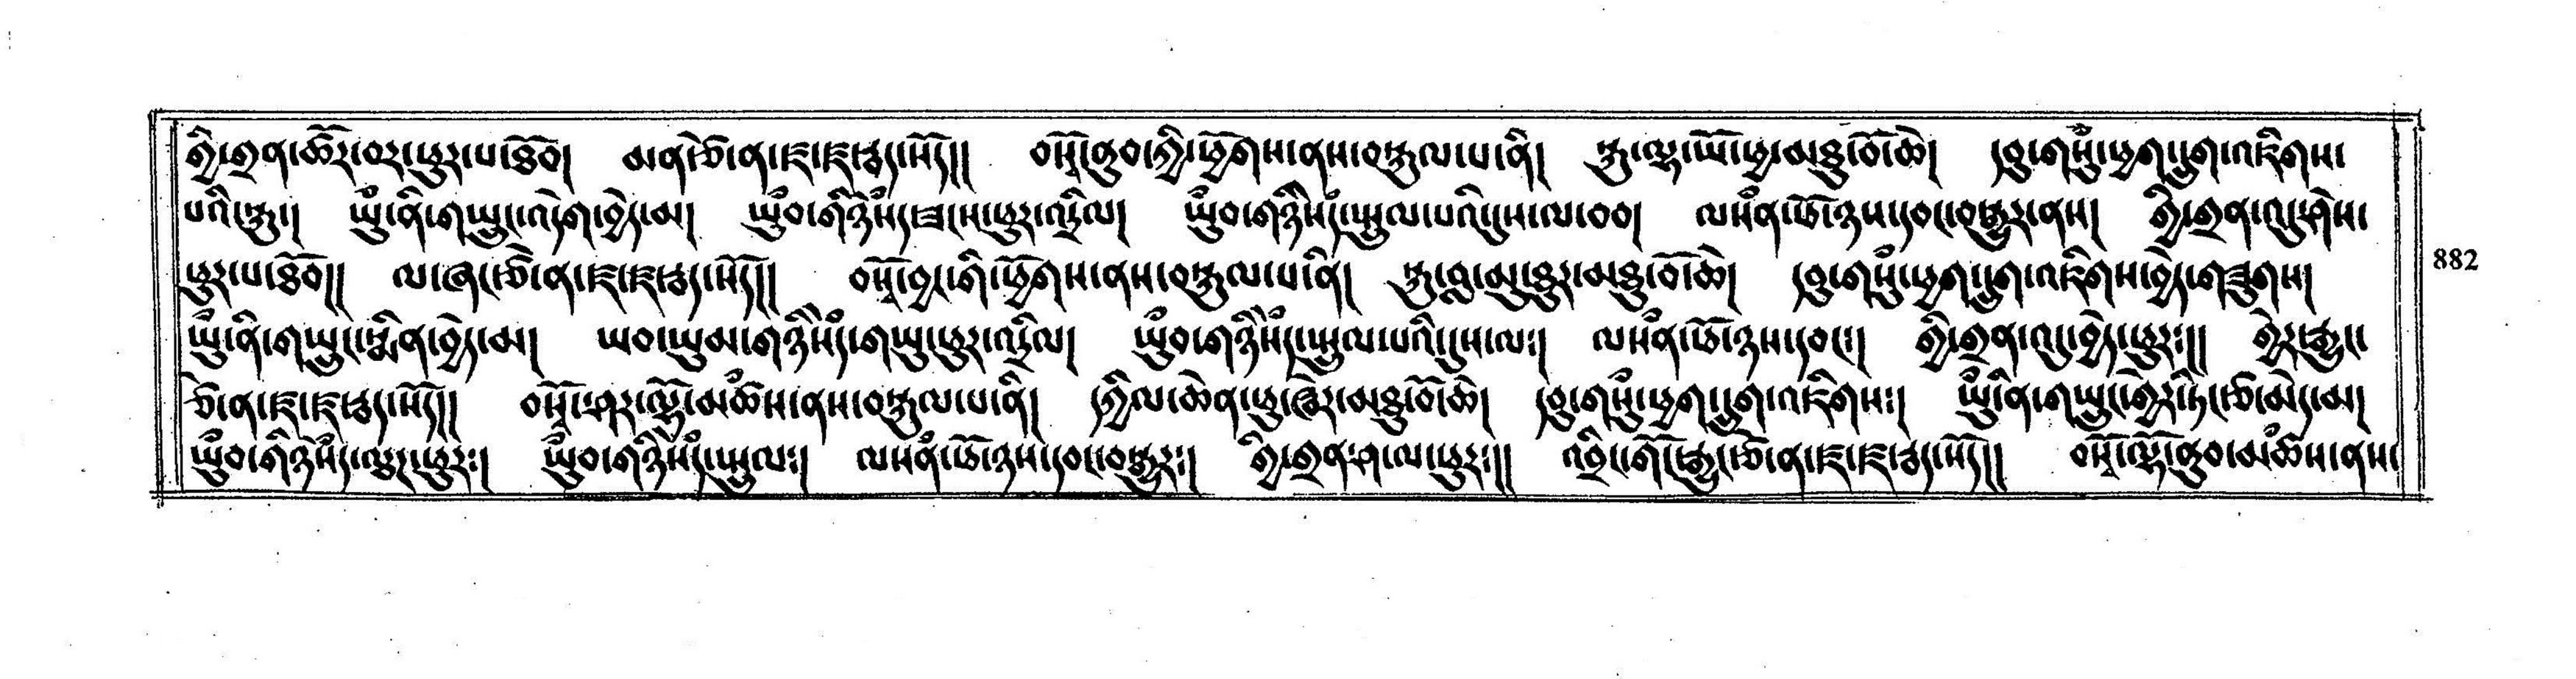གྱི་གྲན་ཚོར་བར་ཕུར་པ་ཐོབ། མན་ཙེ་ན་ཛ་ཛ་རྦད་སོད།། བསྭོ་ནུབ་ཀྱི་ཕྱོགས་ནས་བསྐུལ་པ་ནི། སྐུ་ལྷ་ཡོ་ཕྱ་མཐུ་བོ་ཆེ། དབུ་གསུམ་ཕྱག་དྲུག་འཇིགས་
པའི་སྐུ། ཡུམ་ནི་གཡུང་དྲུང་འདེག་བྱེད་མ། ཡབ་ཡུམ་གཉིས་མེད་ཟངས་ཕུར་འདྲིལ། ཡབ་ཡུམ་གཉིས་མེད་སྤྲུལ་པའི་དུས་ལ་བབ། ལས་མཁན་ཕོ་ཉས་དབང་བསྒྱུར་ནས། གྱི་གྲན་འདུ་ཤེས་
ཕུར་པ་ཐོབ།། ལ་ཞང་ཙེ་ན་ཛ་ཛ་རྦད་སོད།། བསྭོ་བྱང་གི་ཕྱོགས་ནས་བསྐུལ་པ་ནི། སྐུ་བླ་མུ་ཐུར་མཐུ་བོ་ཆེ། དབུ་གསུམ་ཕྱག་དྲུག་འཇིགས་བྱེད་གཟུགས། 
ཡུམ་ནི་གཡུང་དྲུང་སྨིན་བྱེད་མ། ཡབ་ཡུམ་གཉིས་མེད་གཡུ་ཕུར་འདྲིལ། ཡབ་ཡུམ་གཉིས་མེད་སྤྲུལ་པའི་དུས་ལ༴། ལས་མཁན་ཕོ་ཉས་དབང་༴། གྱི་གྲན་འདུ་བྱེད་ཕུར༴།། གྱེར་རྒྱུང་
ཙེ་ན་ཛ་ཛ་རྦད་སོད།། བསྭོ་ཤར་ལྷོ་མཚམས་ནས་བསྐུལ་པ་ནི། དཀྱིལ་ཆེན་ཕུ་ཝེར་མཐུ་བོ་ཆེ། དབུ་གསུམ་ཕྱག་དྲུག་འཇིགས༴། ཡུམ་ནི་གཡུང་དྲུང་གྱེར་ཏིང་ཙ་མེད་མ། 
ཡབ་ཡུམ་གཉིས་མེད་ལྕགས་ཕུར༴། ཡབ་ཡུམ་གཉིས་མེད་སྤྲུལ༴། ལས་མཁན་ཕོ་ཉས་དབང་བསྒྱུར༴། གྱི་གྲན་ཤ་ལ་ཕུར༴།། འབྲིང་གོང་རྒྱུང་ཙེ་ན་ཛ་ཛ་རྦད་སོད།། བསྭོ་ལྷོ་ནུབ་མཚམས་ནས་